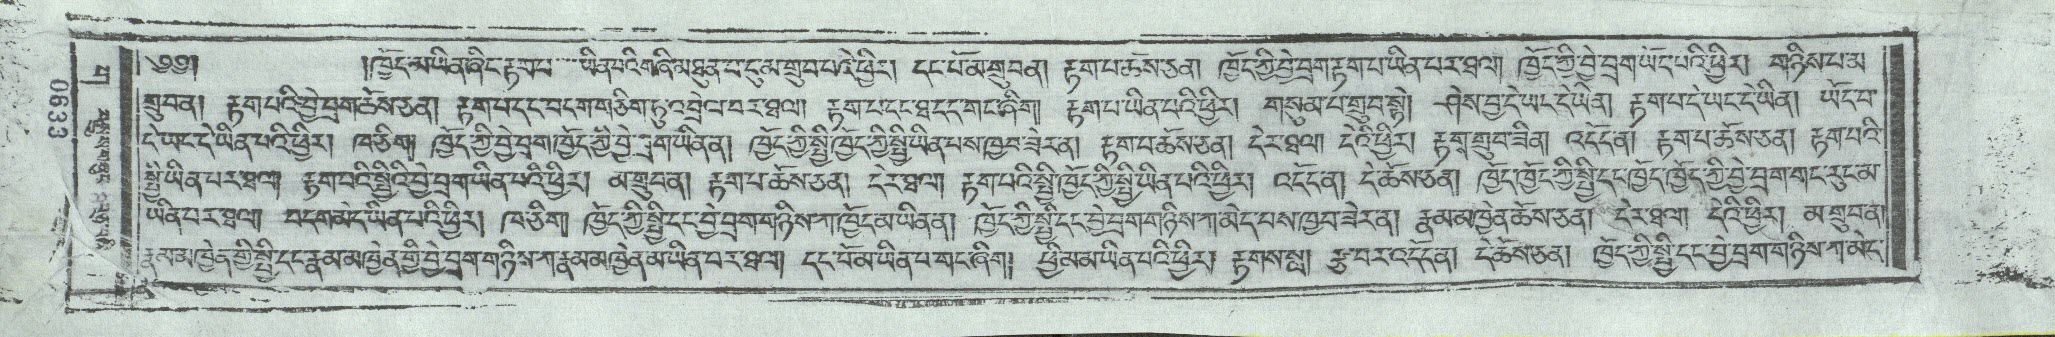༄༅། །ཁྱོད་མ་ཡིན་ཞིང་རྟག་པ་ཡིན་པའི་གཞི་མཐུན་པ་དུ་མ་གྲུབ་པའི་ཕྱིར། དང་པོ་མ་གྲུབ་ན། རྟག་པ་ཆོས་ཅན། ཁྱོད་ཀྱི་བྱེ་བྲག་རྟག་པ་ཡིན་པར་ཐལ། ཁྱོད་ཀྱི་བྱེ་བྲག་ཡོད་པའི་ཕྱིར། གཉིས་པ་མ་
གྲུབ་ན། རྟག་པའི་བྱེ་བྲག་ཆོས་ཅན། རྟག་པ་དང་བདག་གཅིག་ཏུ་འབྲལ་བར་ཐལ། རྟག་པ་དང་ཐ་དད་གང་ཞིག། རྟག་པ་ཡིན་པའི་ཕྱིར། གསུམ་པ་གྲུབ་སྟེ། ཤེས་བྱ་དེ་ཡང་དེ་ཡིན། རྟག་པ་དེ་ཡང་དེ་ཡིན། ཡོད་པ་
དེ་ཡང་དེ་ཡིན་པའི་ཕྱིར། ཁ་ཅིག། ཁྱོད་ཀྱི་བྱེ་བྲག་ཁྱོད་ཀྱི་བྱེ་བྲག་ཡིན་ན། ཁྱོད་ཀྱི་སྤྱི་ཁྱོད་ཀྱི་སྤྱི་ཡིན་པས་ཁྱབ་ཟེར་ན། རྟག་པ་ཆོས་ཅན། དེར་ཐལ། དེའི་ཕྱིར། རྟགས་གྲུབ་ཟིན། འདོད་ན། རྟག་པ་ཆོས་ཅན། རྟག་པའི་
སྤྱི་ཡིན་པར་ཐལ། རྟག་པའི་སྤྱིའི་བྱེ་བྲག་ཡིན་པའི་ཕྱིར། མ་གྲུབ་ན། རྟག་པ་ཆོས་ཅན། དེར་ཐལ། རྟག་པའི་སྤྱི་ཁྱོད་ཀྱི་སྤྱི་ཡིན་པའི་ཕྱིར། འདོད་ན། དེ་ཆོས་ཅན། ཁྱོད་ཁྱོད་ཀྱི་སྤྱི་དང་ཁྱོད་ཁྱོད་ཀྱི་བྱེ་བྲག་གང་རུང་མ་
ཡིན་པར་ཐལ། བདག་མེད་ཡིན་པའི་ཕྱིར། ཁ་ཅིག། ཁྱོད་ཀྱི་སྤྱི་དང་བྱེ་བྲག་གཉིས་ཀ་ཁྱོད་མ་ཡིན་ན། ཁྱོད་ཀྱི་སྤྱི་དང་བྱེ་བྲག་གཉིས་ཀ་མེད་པས་ཁྱབ་ཟེར་ན། རྣམ་མཁྱེན་ཆོས་ཅན། དེར་ཐལ། དེའི་ཕྱིར། མ་གྲུབ་ན།
རྣམ་མཁྱེན་གྱི་སྤྱི་དང་རྣམ་མཁྱེན་གྱི་བྱེ་བྲག་གཉིས་ཀ་རྣམ་མཁྱེན་མ་ཡིན་པར་ཐལ། དང་པོ་མ་ཡིན་པ་གང་ཞིག། ཕྱི་མ་མ་ཡིན་པའི་ཕྱིར། རྟགས་སླ། རྩ་བར་འདོད་ན། དེ་ཆོས་ཅན། ཁྱོད་ཀྱི་སྤྱི་དང་བྱེ་བྲག་གཉིས་ཀ་མེད་